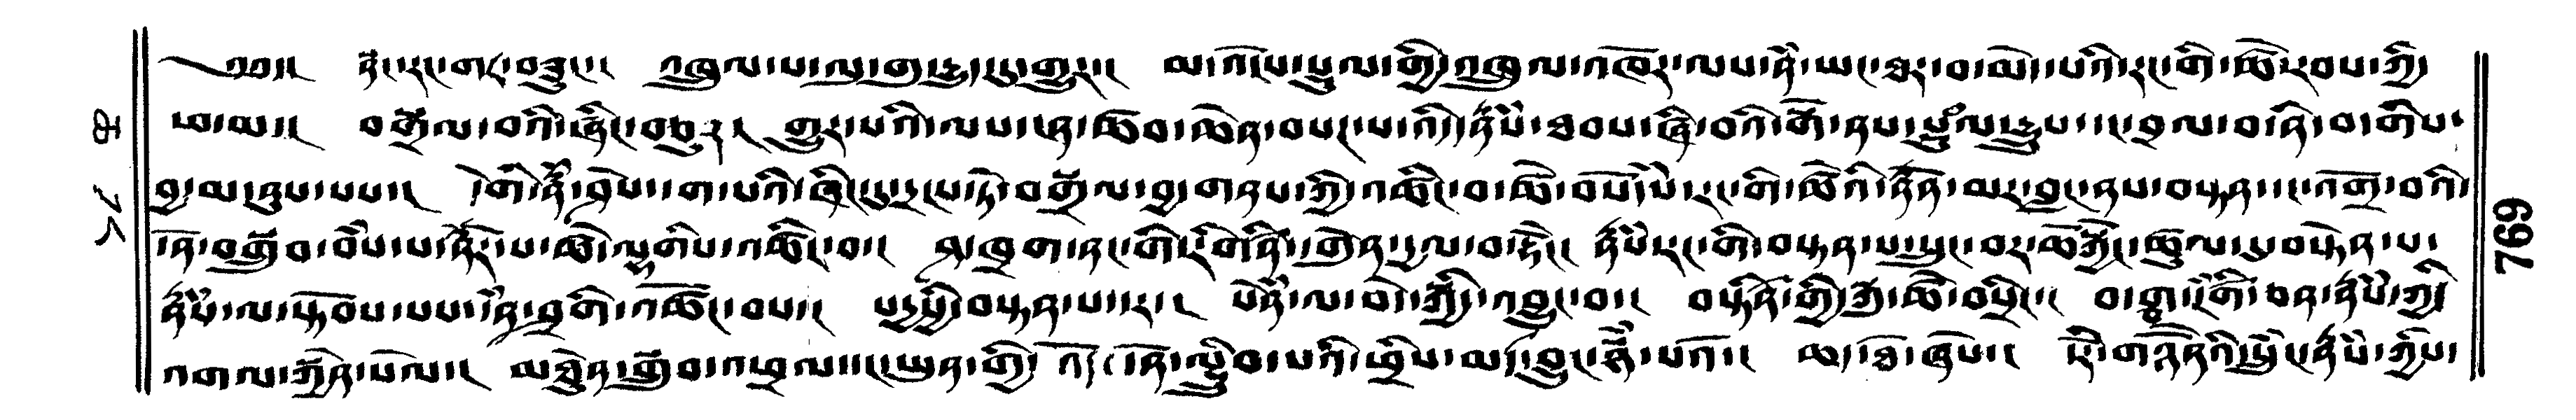སྣང་རང་གར་བཟུང་། འཁྲུལ་པ་ལུ་གུ་རྒྱུད་དུ་གྱུར། མ་འོངས་སྡུག་བསྔལ་གྱི་འཁྲུལ་འཁོར་ལས་ནམ་ཡང་ཐར་བ་མེད་པའི་རང་གི་ཚེ་རབས་ཀྱི་
ཕ་མ། བསྒྲལ་བའི་ཞིང་བཅུར་གྱུར་པའི་ལས་ངན་ཚབས་ཆེན་བསགས་པ་འདི་རྣམས་ཐབས་ཞི་བའི་སྒོ་ནས་སྡུག་བསྔལ་རྒྱུ་འབྲས་དང་བྲལ་བ་ནི་བདག་གིས་
བྱ་མ་ནུས་པས། དེ་དག་གི་རྣམ་ཤེས་དག་པའི་ཞིང་དུ་དྲངས་ཏེ་བསྒྲལ་བྱ་གནས་ཀྱི་འཚེངས་བ་ཚེ་བསོད་ནམས་རང་གི་ཚེའི་སྣོན་མར་བླང་ནས་བསྟན་དང་འགྲོ་བའི་
དོན་བསྒྲུབ་བསམ་པ་རྣལ་འབྱོར་པ་ཚེ་ལྷག་གིས་འཚེངས་བ། ཤ་ཁྲག་ནང་གི་རིག་འཛིན་དགེ་བདུན་རྒྱལ་བ་རྡོ་རྗེ་འཆང་རྣམས་རང་གི་བསྟན་པ་སྲུང་བར་ཆོས་སྐྱོང་གི་ཚུལ་དུ་བསྟན་པ་
རྣམས་ལ་སྟོབས་པས་དམ་ཅན་ཤ་ཁྲག་གི་འཚེངས་པས།སངས་རྒྱས་ཀྱི་བསྟན་པ་དར། སེམས་ཅན་ལ་བདེ་སྐྱིད་འབྱུང་བ། བསྟན་འཛིན་གྱི་སྐུ་ཚེ་སྲིངས། བདག་ཅག་དམ་ཚིག་ཅན་རྣམས་ཀྱི་
འགལ་སྐྱེན་སེལ། མཐུན་རྐྱེན་སྒྲུབས། འཕྲལ་དང་ཡུན་གྱི་འོད་དོན་ལྷུན་གྱི་གྲུབ་པའི་ཕྲིན་ལས་མཛད་བྱུང་སྙམ་པའོ། ཆད་ཐོ་ཞེས། དཀྱིལ་འཁོར་གཉེན་པོའི་སྲུང་མ་རྣམས་ཀྱིས་